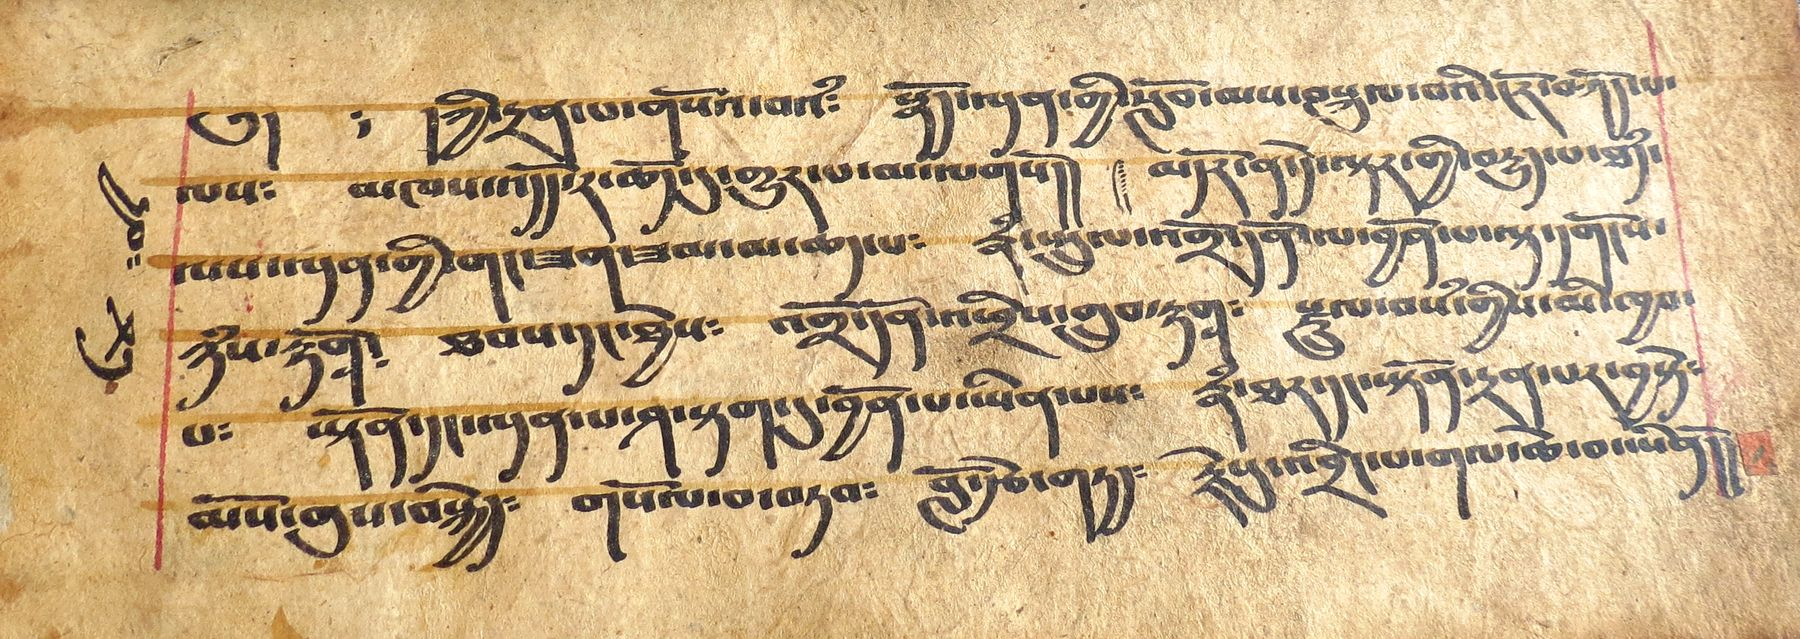ཀྱི་དྲན་པ་གསོ་བའམ། སྣོད་ལྡན་གྱི་སློབ་མས་བསྐུལ་བའི་ངོར་བཀོད་པ་
ལས། མཁས་འདོད་ར་ཆོད་དུ་གྱུར་པ་མ་ལགས་སོ། ། མདོར་ན་དེ་ལྟར་གྱི་བརྒྱུད་པ་ཐམས་ཅད་
ལས་ལྡན་གྱི་རྒྱུད་པ་ཟམ་མ་ཆད་པ། རྣམ་སྤྲུལ་འགྲོ་དོན་ལ་བྱོན་པ། ལྟ་དགོངས་
ཉམས་རྟོགས། ཐབས་དང་ཐུགས་རྗེ། འགྲོ་དོན་འཕྲིན་ལས། གྲུབ་རྟགས་རྫུ་འཕྲུལ་བསམ་གྱིས་མི་ཁྱབ་
པའི་ཡོན་ཏན་དག་ལྡན་པ་ཤ་སྟག་ཏུ་བྱོན་པ་ཡིན་པས། རྣམ་ཐར་དང་ཡོན་ཏན་དྲན་པར་བྱས་ཏེ་
མོས་གུས་བསྐྱེད། གསོལ་བ་བཏབ། བློ་རྩེ་གཏད། རྗེས་སུ་འབྲེང་བ་གལ་ཆེ་བ་ཡིན་ནོ། །